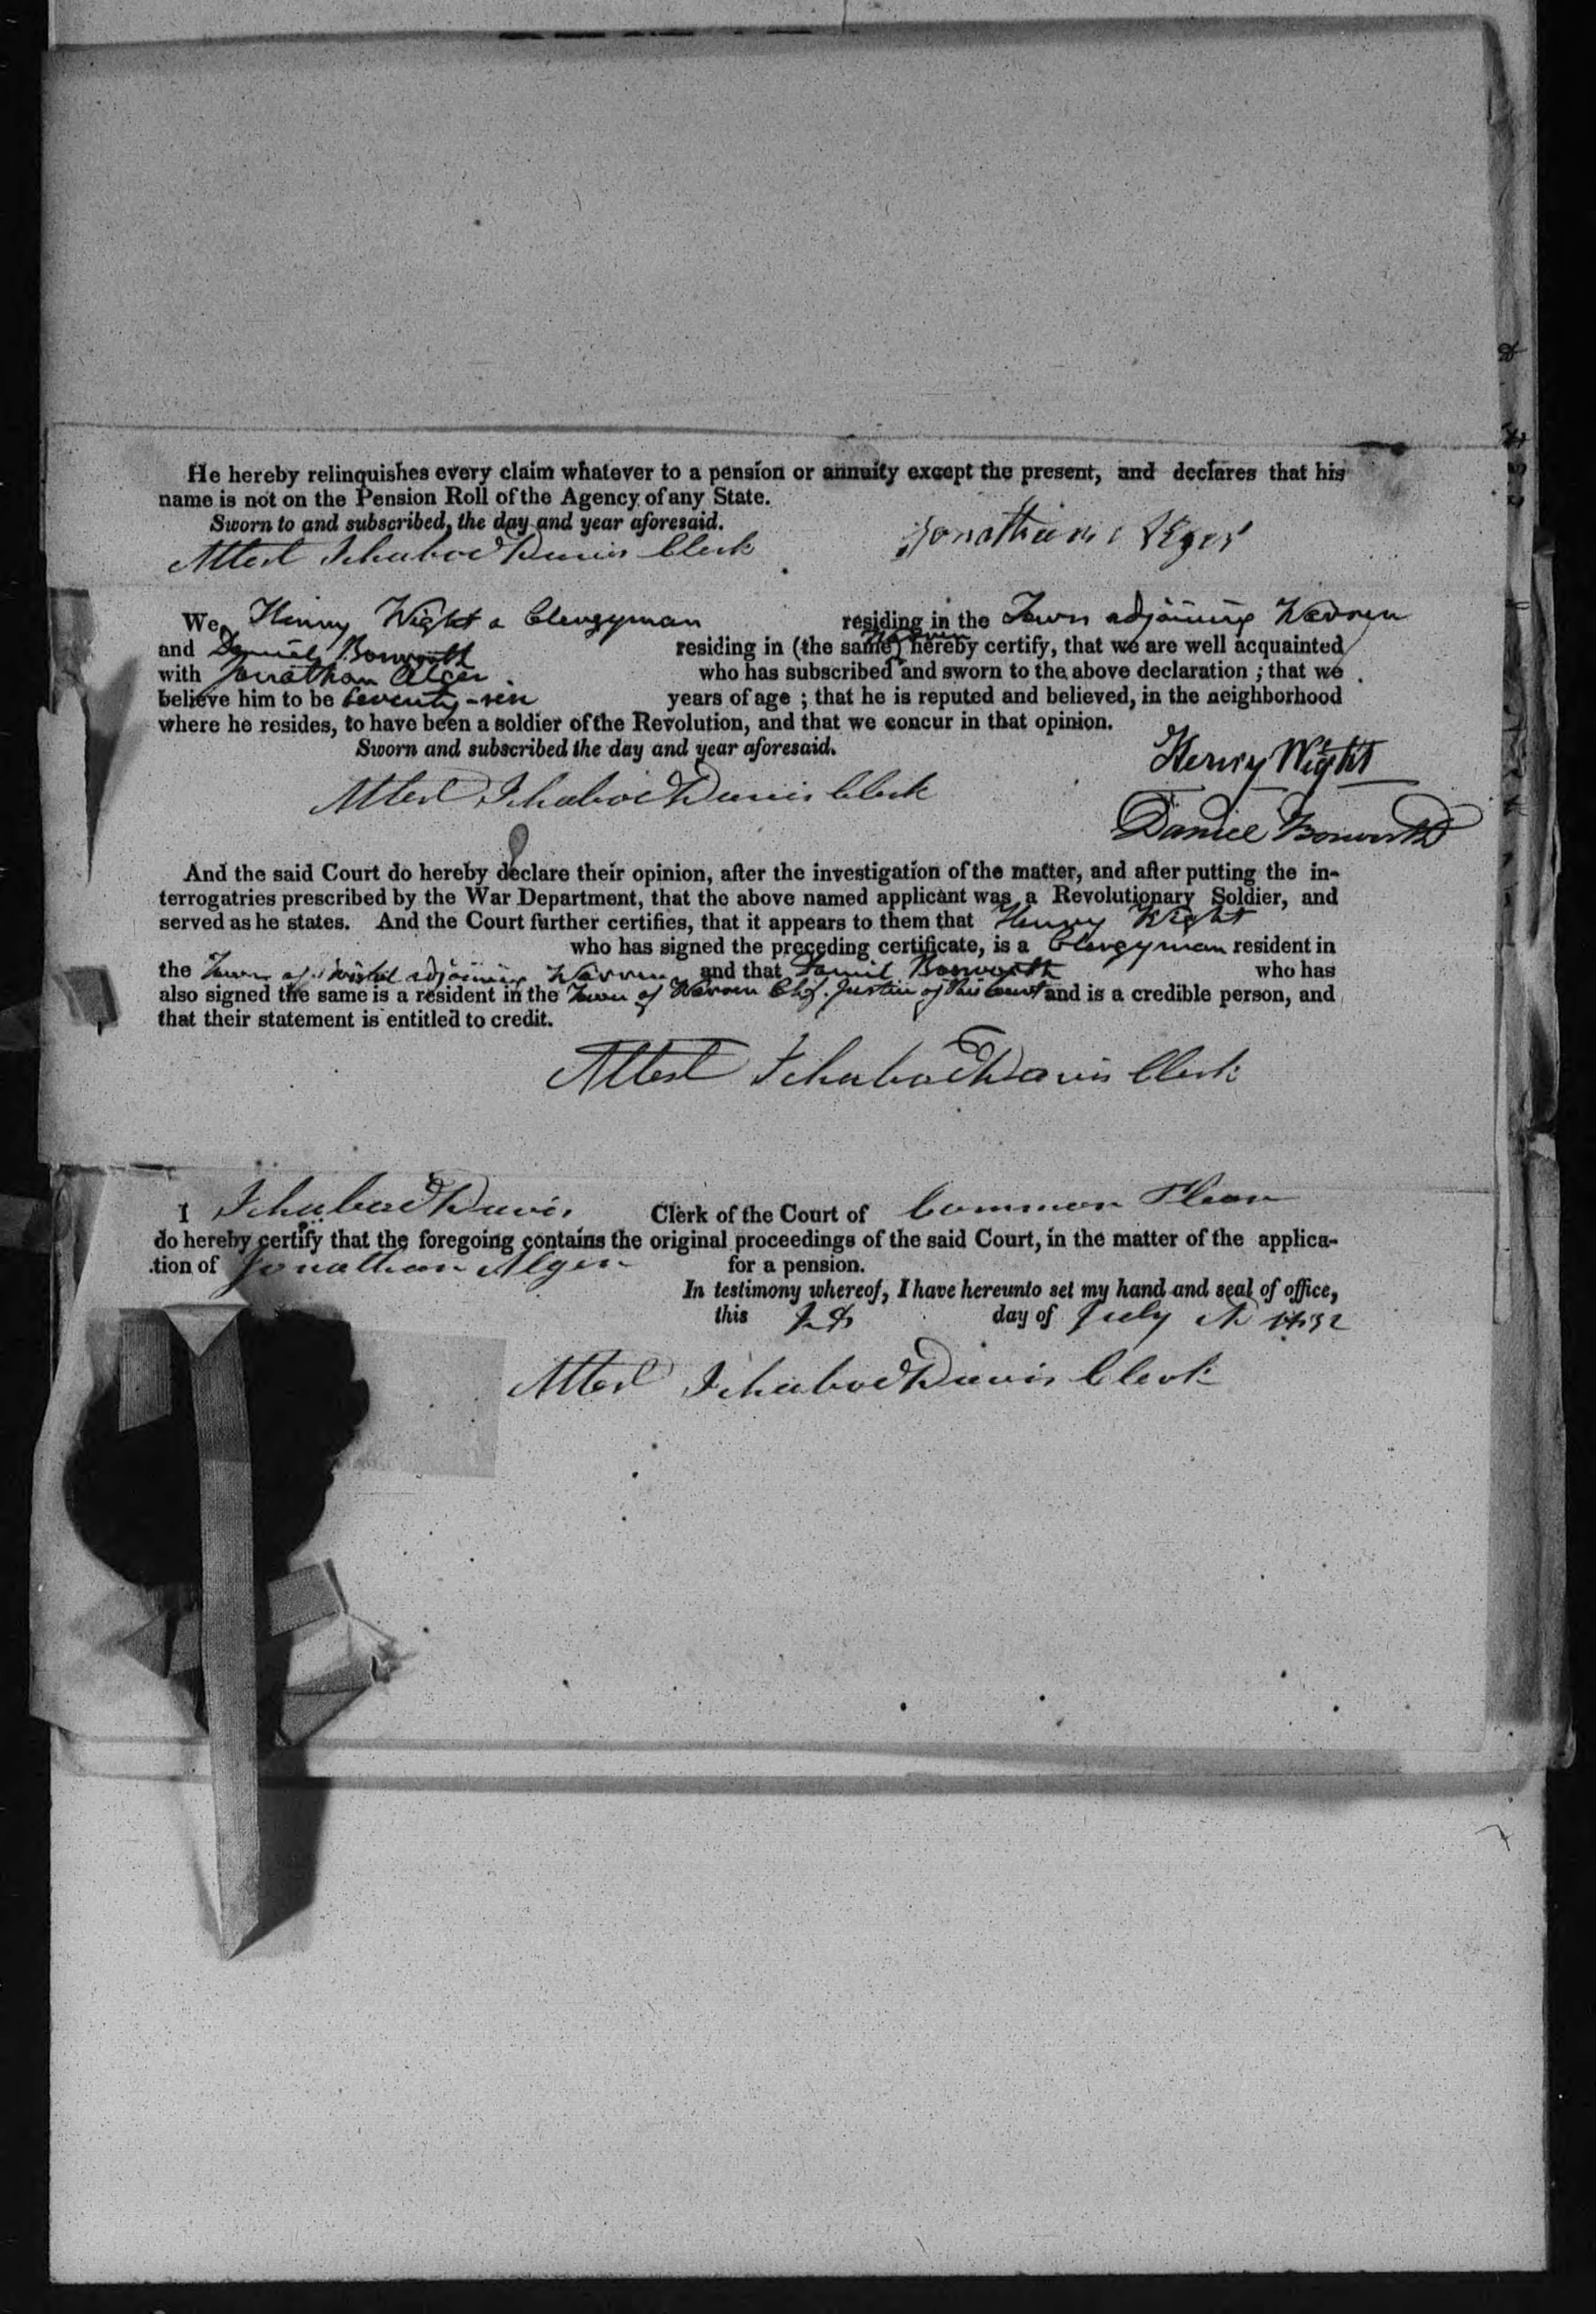He hereby relinquishes every claim whatever to a pension or annuity except the present, and declares that his
name is not on the Pension Roll of the Agency of any State.
Sworn to and subscribed, the day and year aforesaid.
signature] Jonathan Alger
Attest Ichabod Davis Clerk
We Henry Wight a Clergyman
residing in the Town adjoining Warren and Daniel
Bosworth residing
in (the same) hereby certify, that we are well acquainted with Jonathan Alger
who has subscribed and sworn to the above declaration; that we believe him to
be seventy six
years of age; that he is reputed and believed, in the neighborhood where he resides, 
to have been a soldier of the Revolution, and that we concur in that opinion.
Sworn and subscribed the day and year aforesaid.
Attest Ichabod Davis Clerk
[signature] Henry Wight
[signature] Daniel Bosworth
And the said Court do hereby declare their opinion, after the investigation of the matter, and after putting the
interrogatories prescribed by the War Department, that the above named applicant was a Revolutionary soldier, and served as he states.
And the Court further certifies, that it appears to them that Henry Wight
who has signed the preceding certificate, is a Clergyman resident in the town of Bristol adjacent to Warren and that Daniel Bosworth who has also signed the same is a resident in the town of Warren Chf. Justice of this Court and is a credible person, and
that their statement is entitled to credit.
Attest Ichabod Davis Clerk
I Ichabod Davis Clerk of the Court of Common Pleas
do hereby certify that the foregoing contains the original proceedings of the said Court, in the matter of the application of Jonathan Alger
for a pension.
In testimony whereof, I have hereunto set my hand and seal of office,
this [illegible] day of July AD 1832
Attest Ichabod Davis Clerk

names: Ichabod Davis, Daniel Bosworth, Ichabod Davis, Daniel Bosworth, Henry Wight, Ichabod Davis, Jonathan Alger, Ichabod Davis, Jonathan Alger, Henry Wight, Jonathan Alger, Henry Wight, Ichabod Davis, Daniel Bosworth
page: 6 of 16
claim: survivor's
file: S. 21040, Jonathan Alger, Mass. R. I.